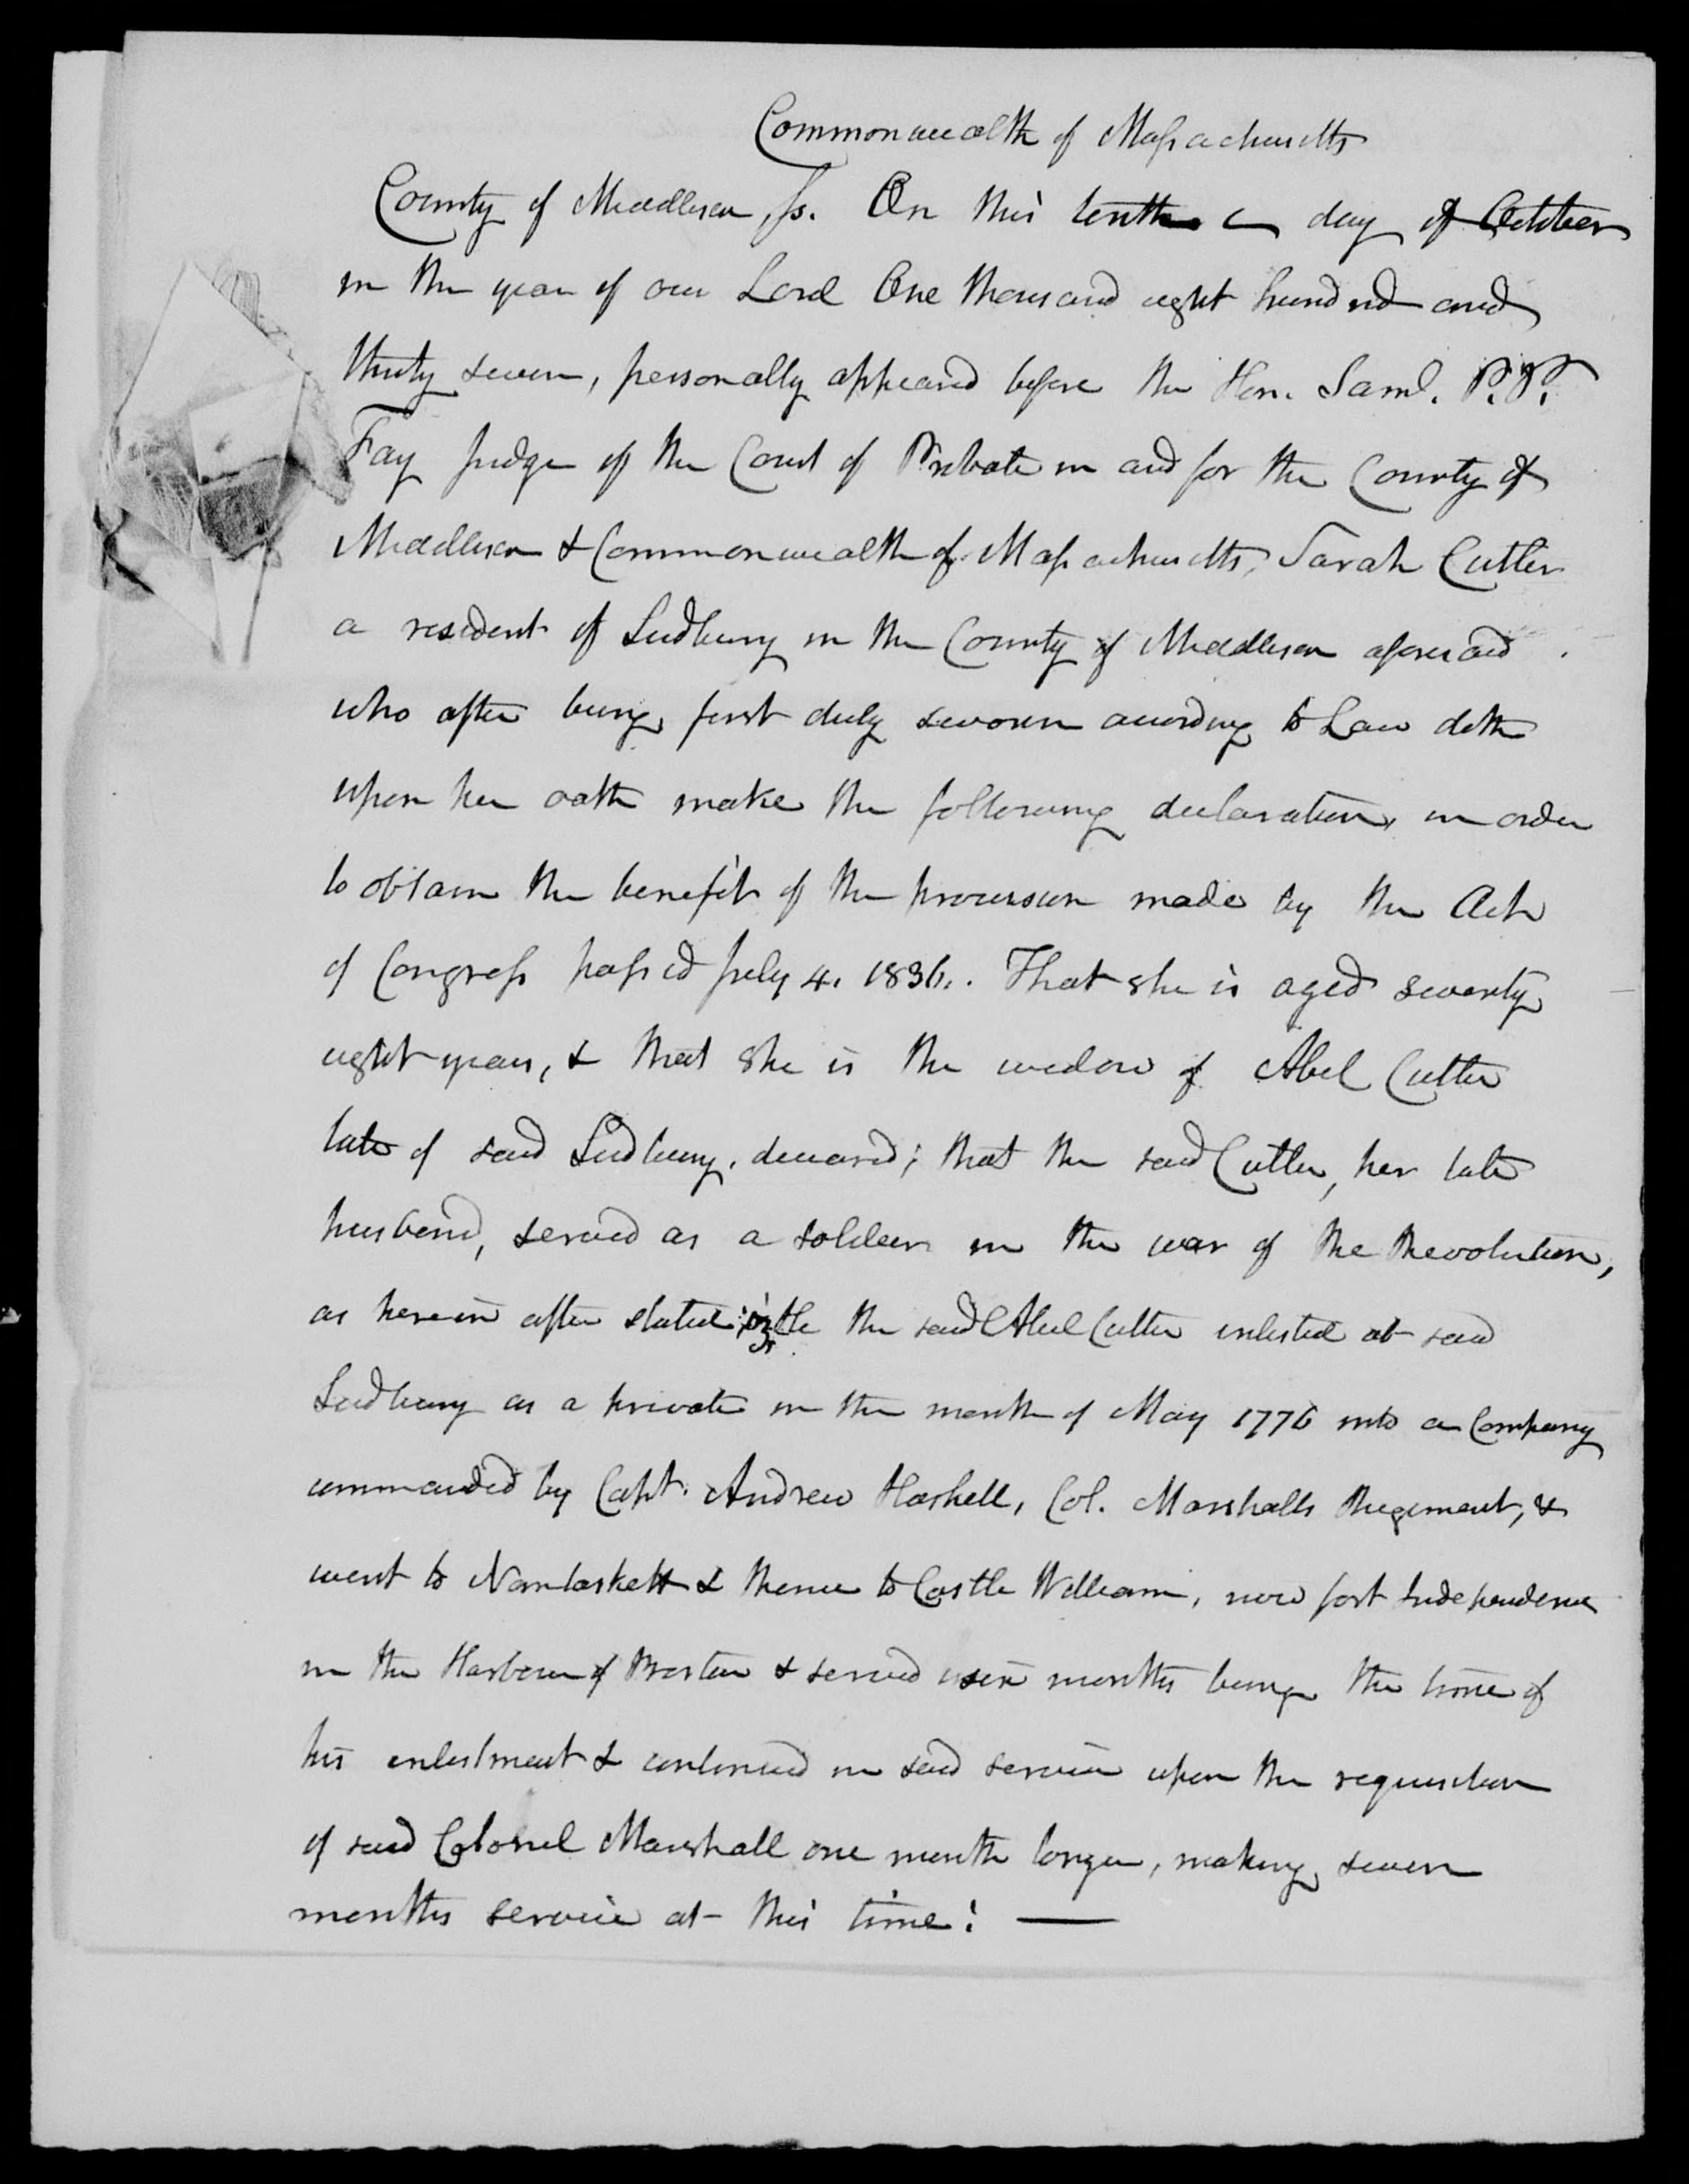Commonwealth of Massachusetts
County of Middlesex: On this tenth day of October in the year of our Lord 1837, personally appeared before me Hon. Saml. P. P. Fay, Judge of the Court of Probate in and for the County of Middlesex and Commonwealth of Massachusetts, Sarah Cutler a resident of Sudbury in the County of Middlesex aforesaid who after being first duly sworn according to Law doth when her oath make the following declaration in order to obtain the benefit of the provision made by the Act of Congress passed July 4, 1836. That she is aged 78n years and that she is the widow of Abel Cutler late of said Sudbury deceased; that the said Cutler, her late husband, served as a soldier in the war of the Revolution, as herein after stated: the decd Abel Cutler enlisted at said Sudbury as a private in the month of May 1776 into a company commanded by Capt Andrew Haskill, Col. Marshall's Regiment and went to Nantaskett and thence to Castle William, now Fort Independence in the Harbor of Merton and served six months being the time of his enlistment and continued in said service upon the requisition of said Colonel Marshall one month longer, making seven months service at this time:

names: Abel Cutler, Andrew Hashell, Sarah Cutler, Abel Cutler, Saml P P Fay, Cutler, Marshall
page: 4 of 22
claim: widow's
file: W. 14,552, Abel Cutler, Mass.